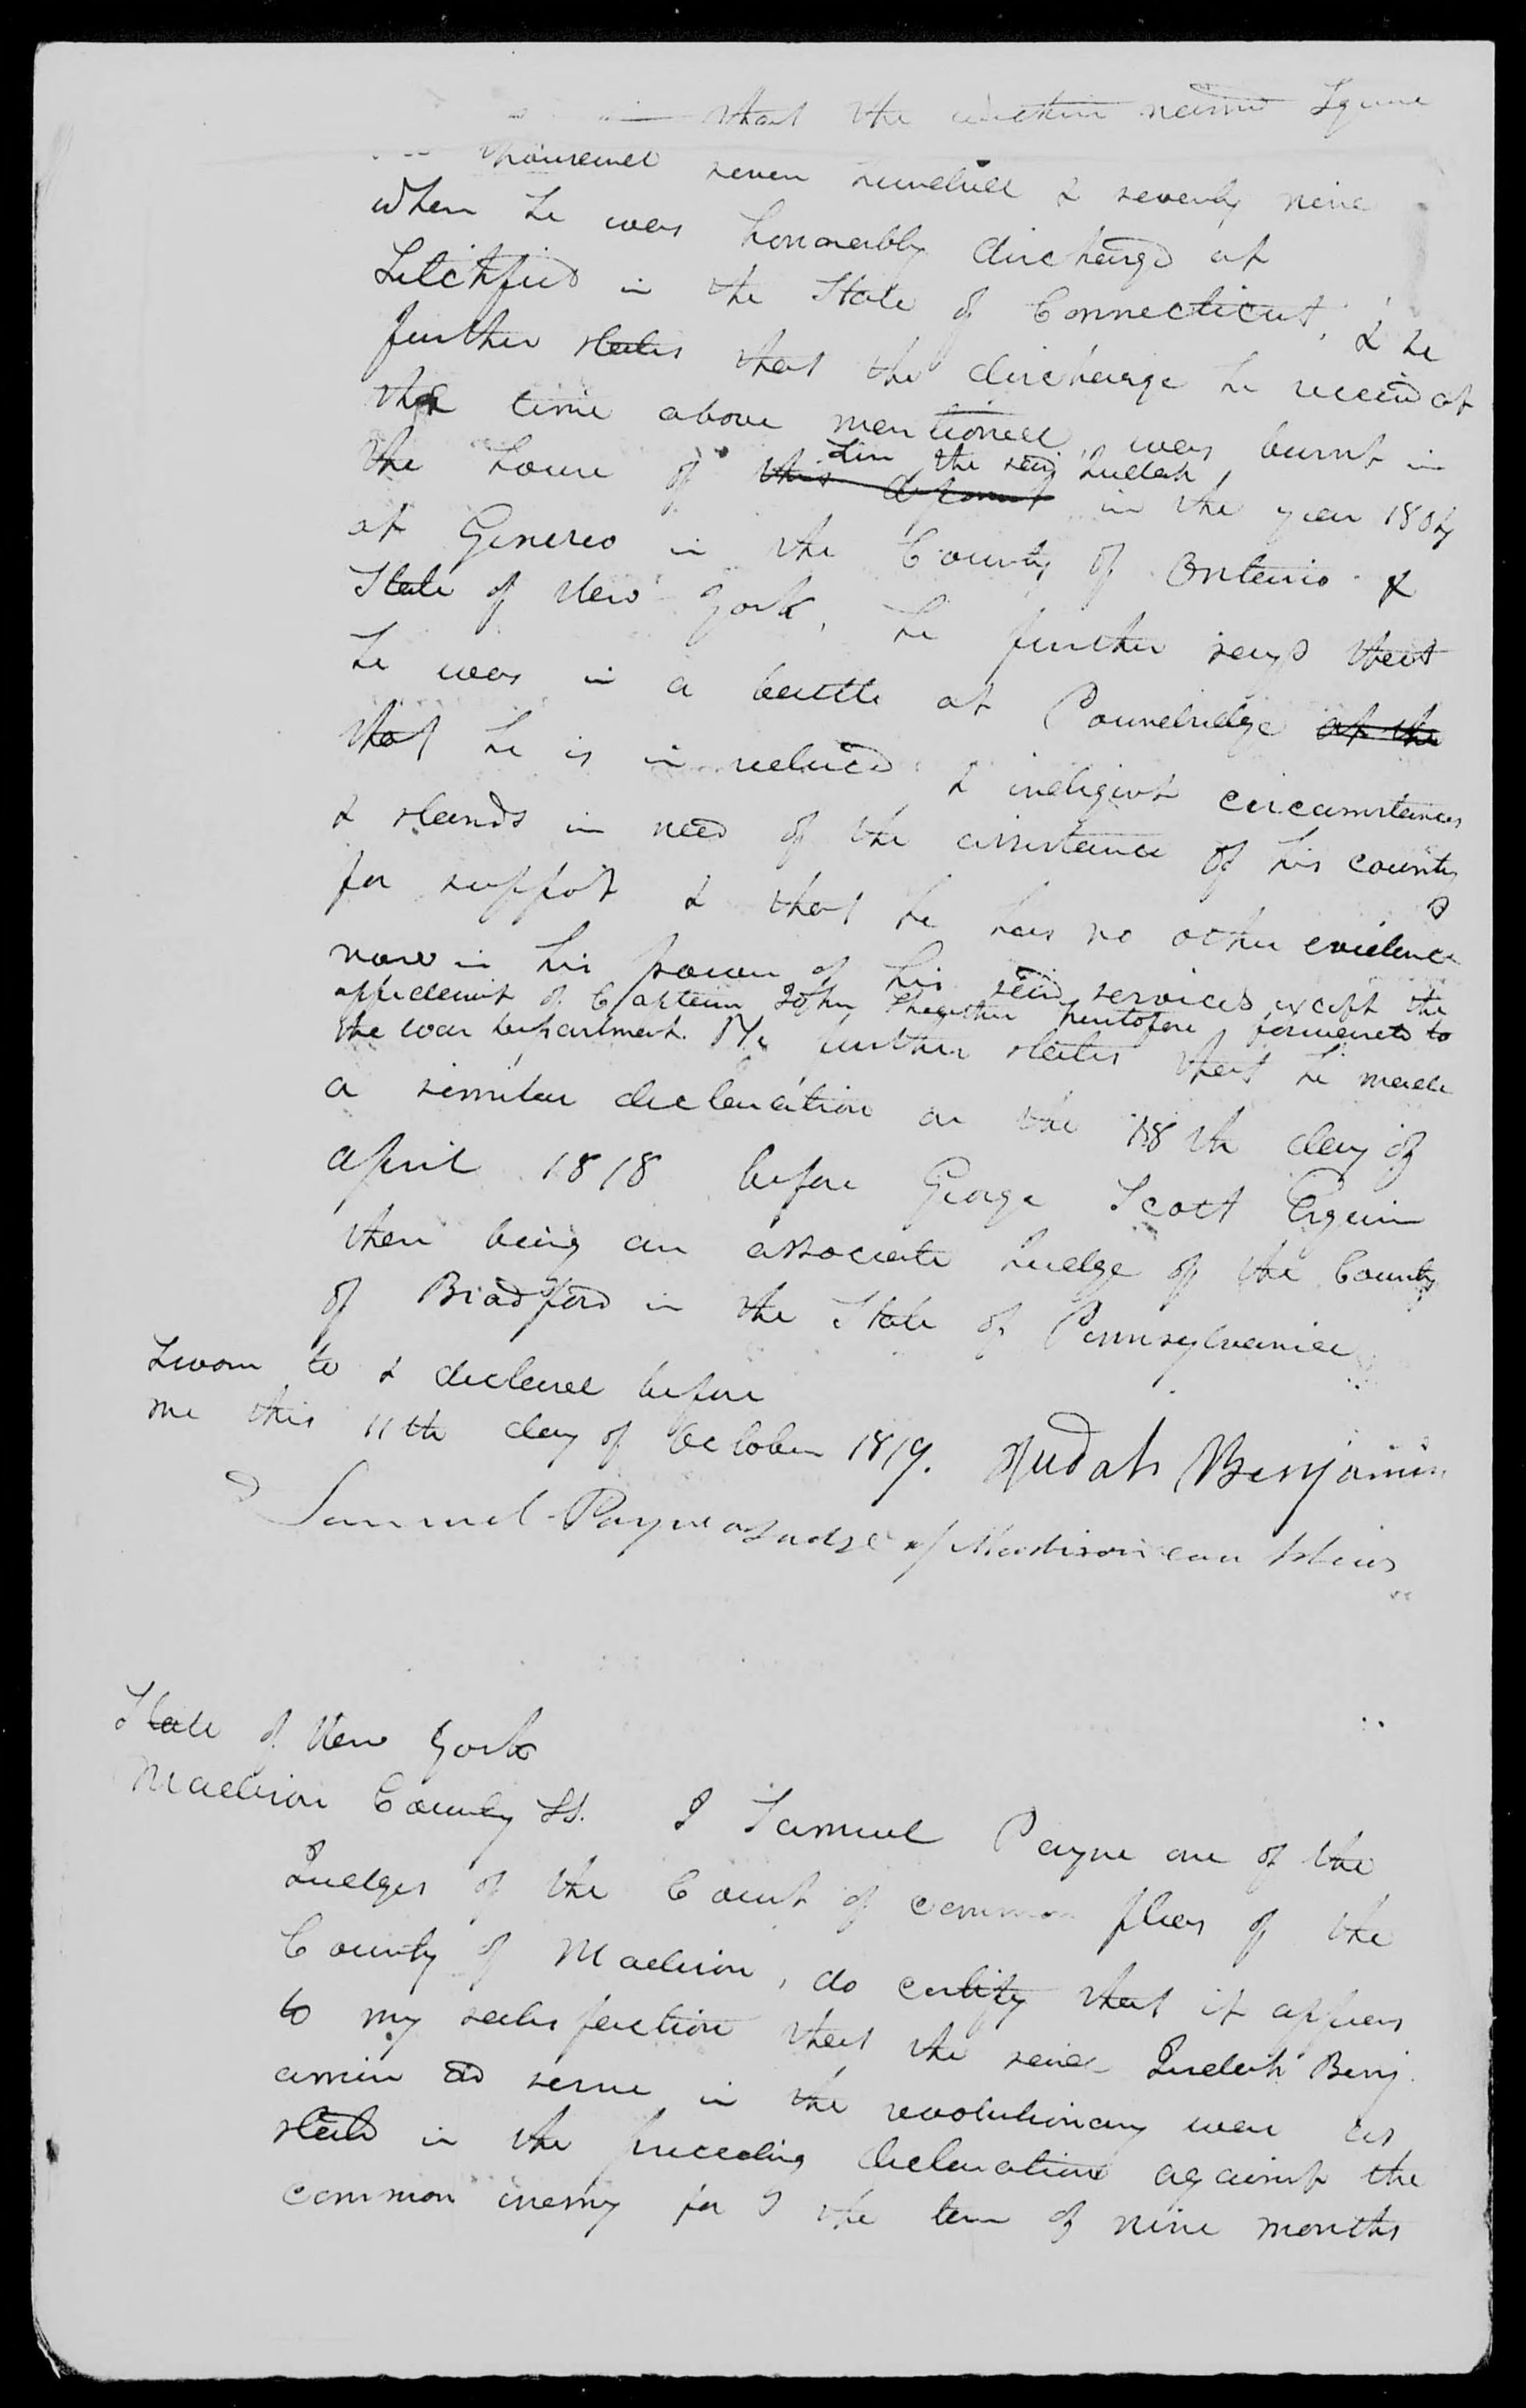one thousand seven hundred & seventy nine when he was honorably discharged at Litchfield in the State of Connecticut & he further states that the discharge he received at that time above mentioned, was burnt in the house of [his?] the said Judah in the year 1804 at Geneseo in the County of Ontario & State of New York, he further says that he was in a battle at Poundridge that he is reduced &  indigent circumstances & stands in need of the assistance of his county for support & that he has no other evidence now in his power of his said services except the affidavit of Capt John Sheather heretofore forwarded to the war department. He further states that he made a similar declaration on the 18th day of April 1818 before George Scott Esquire then being an associate Judge of the County of Bradford in the State of Pennsylvania
[signed]  Judah Benjamin
Sworn to & declared before me this 4th day of October 1819.
[signed] Samuel Payne Judge of Madison com pleas

State of New York
Madison County SS.
I Samuel Payne one of the Judges of the Court of Common pleas of the County of Madison, do certify that it appears to my satisfaction that the said Judah Benjamin did serve in the revolutionary war as stated in the preceding declaration against the common enemy for the term of nine months
[end of page]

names: George Scott, John Sheather, Judah Benjamin, Samuel Payne, Samuel Payne, Judah Benjamin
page: 8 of 34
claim: survivor's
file: S. 39981, Judah Benjamin, Continental (N. H. And N. Y.)